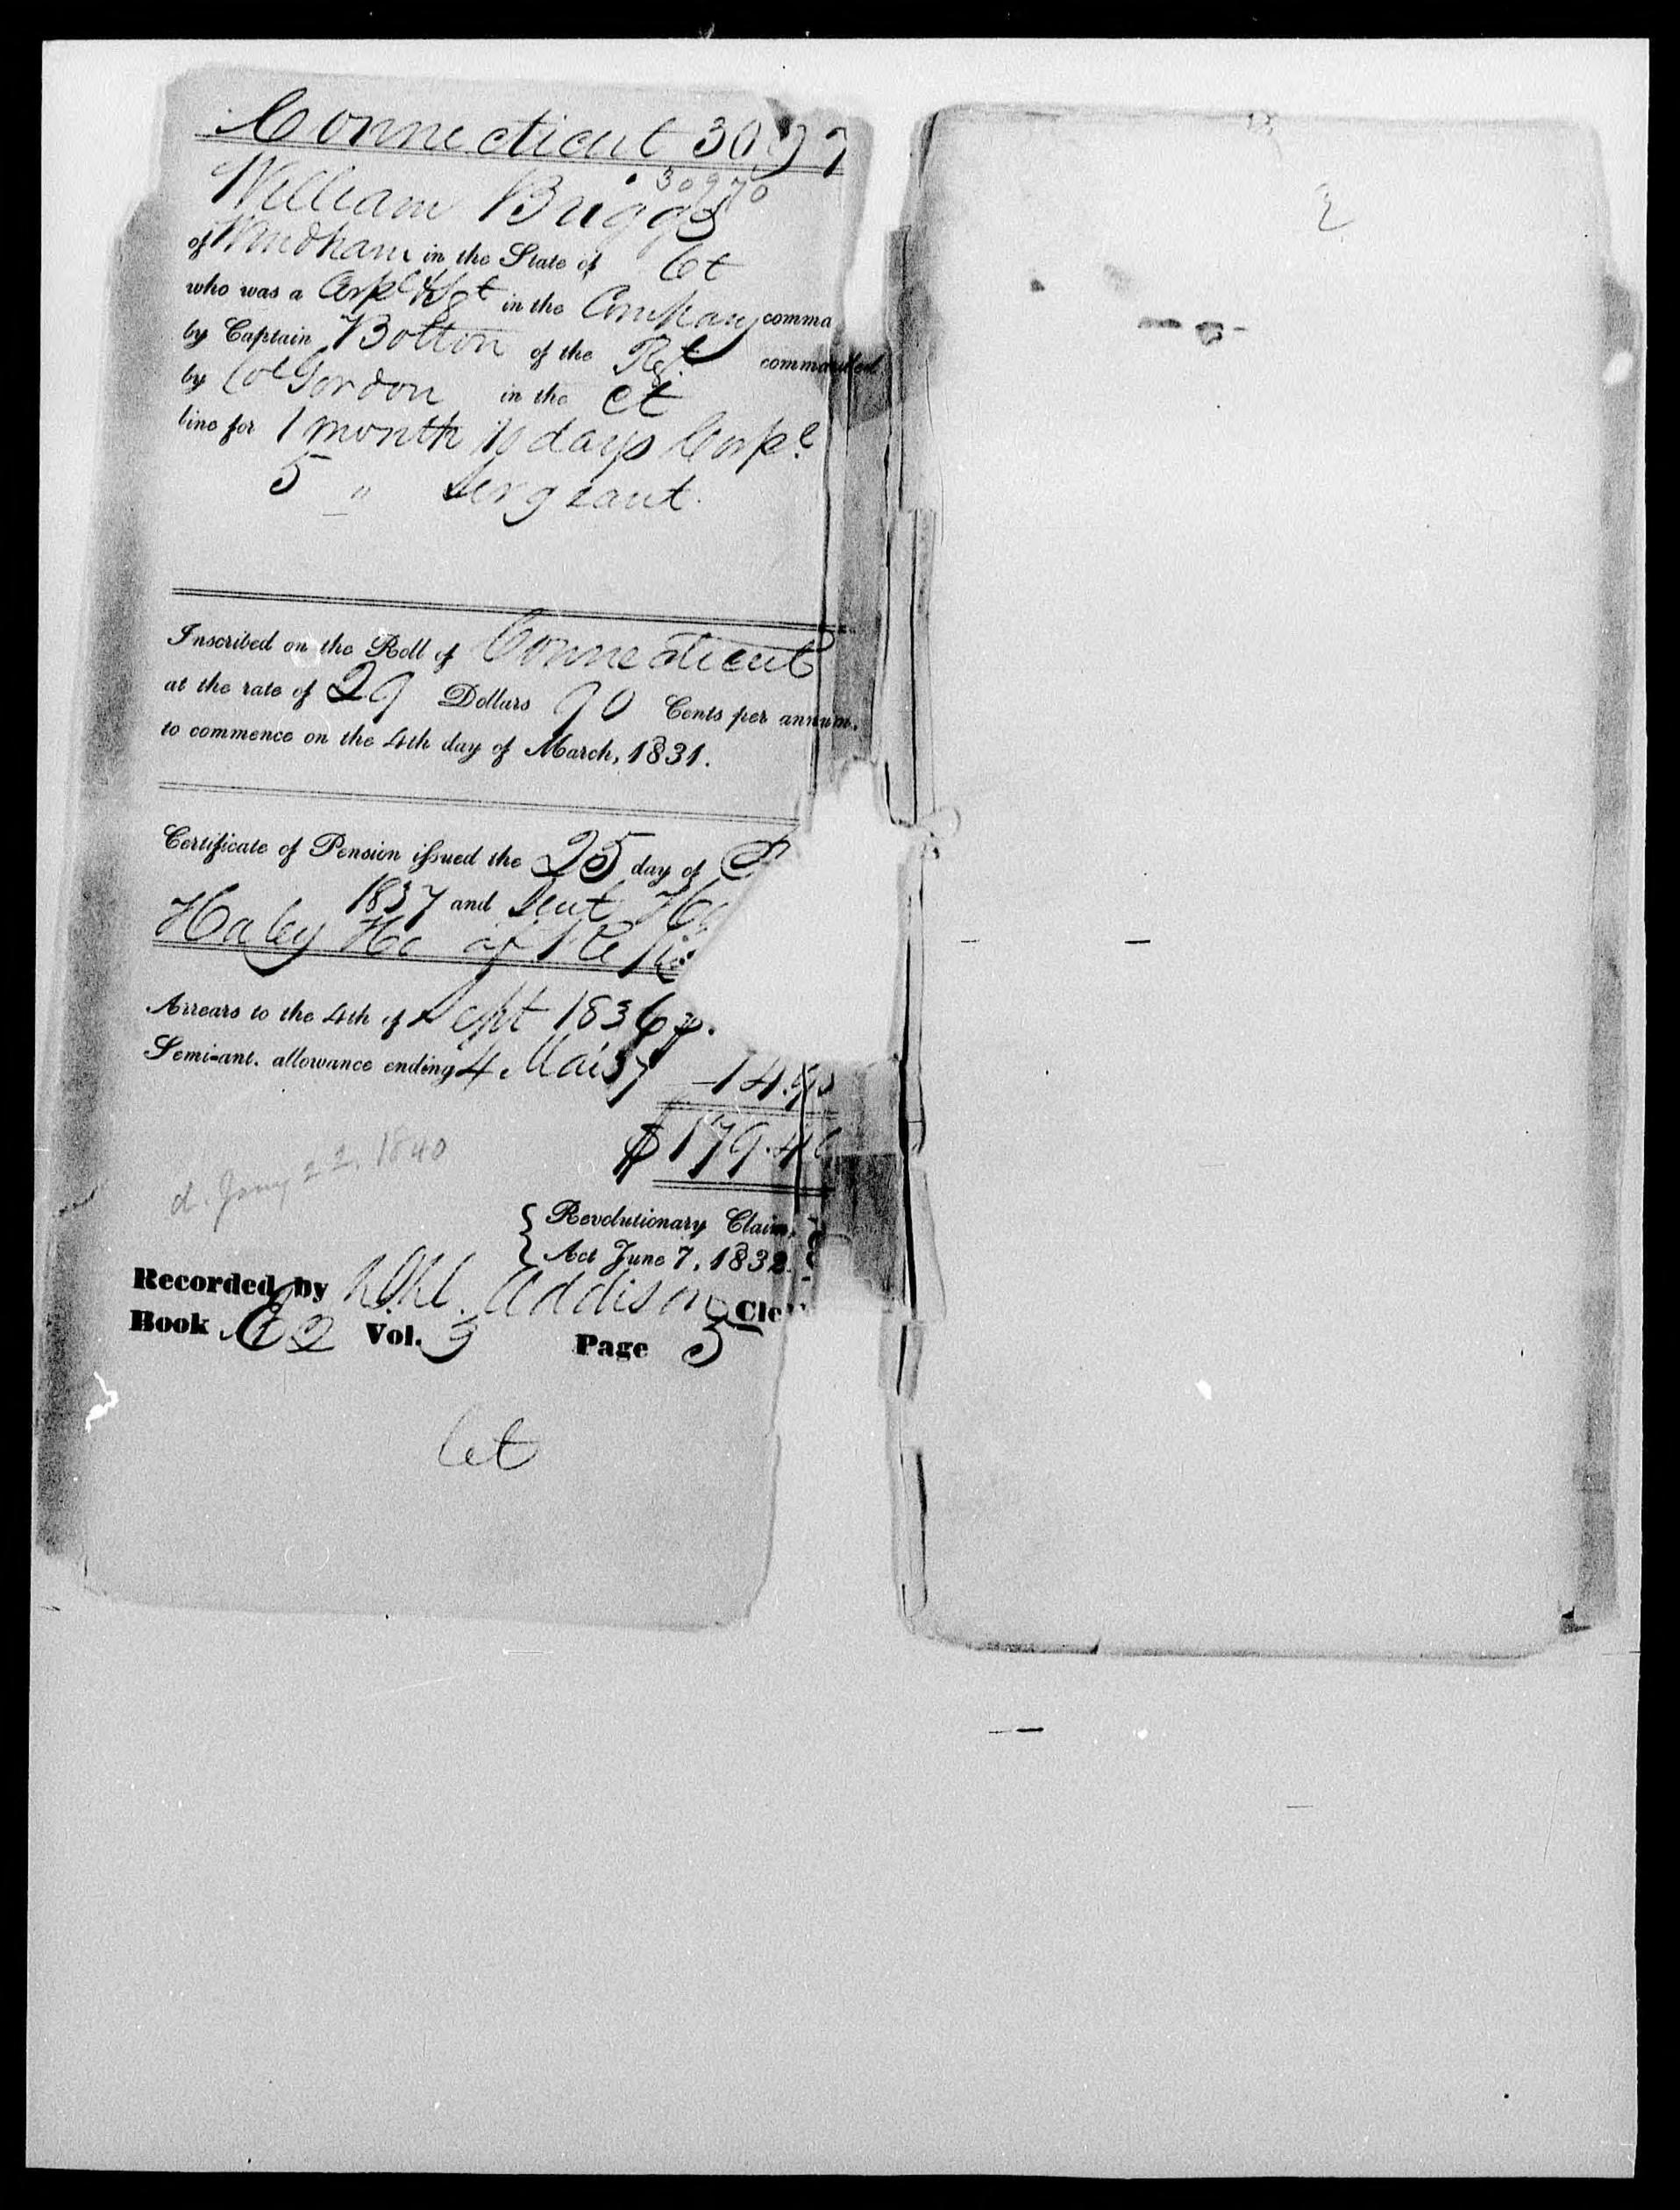Connecticut 30970
 William Briggs 
of Windham in the State of Ct
who was a Corpl & Sgt in the Company commanded 
by Captain Botton of the Rgt commanded 
by Col Gordon in the Ct 
line for 1 month 10 days Corpl 
5 " Sergeant 

Inscribed on the Roll of Connecticut 
at the rate of 29 Dollar 90 Cents per annum, 
to commence on the 4th day of March, 1831.

Certificate of Pension issued the 25 day of [illegible, torn page] 
1837 and Sent [illegible, torn page] 
[illegible] 
Arrears to the 4th of Sept 1836 [illegible, torn page] 
Semi-anl. allowance ending 4 [illegible]
 $179.4[illegible] 
Jany 22, 1840
Revolutionary Claims [illegible, torn page]
Act June 7, 1832.
Recorded by [illegible] D. D. Addison Clerk
Book C2 Vol 3 Page 5 

let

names: Botton, Gordon, William Briggs, D D Addison, Haley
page: 2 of 37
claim: survivor's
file: S. 12,281, William Briggs, Conn.